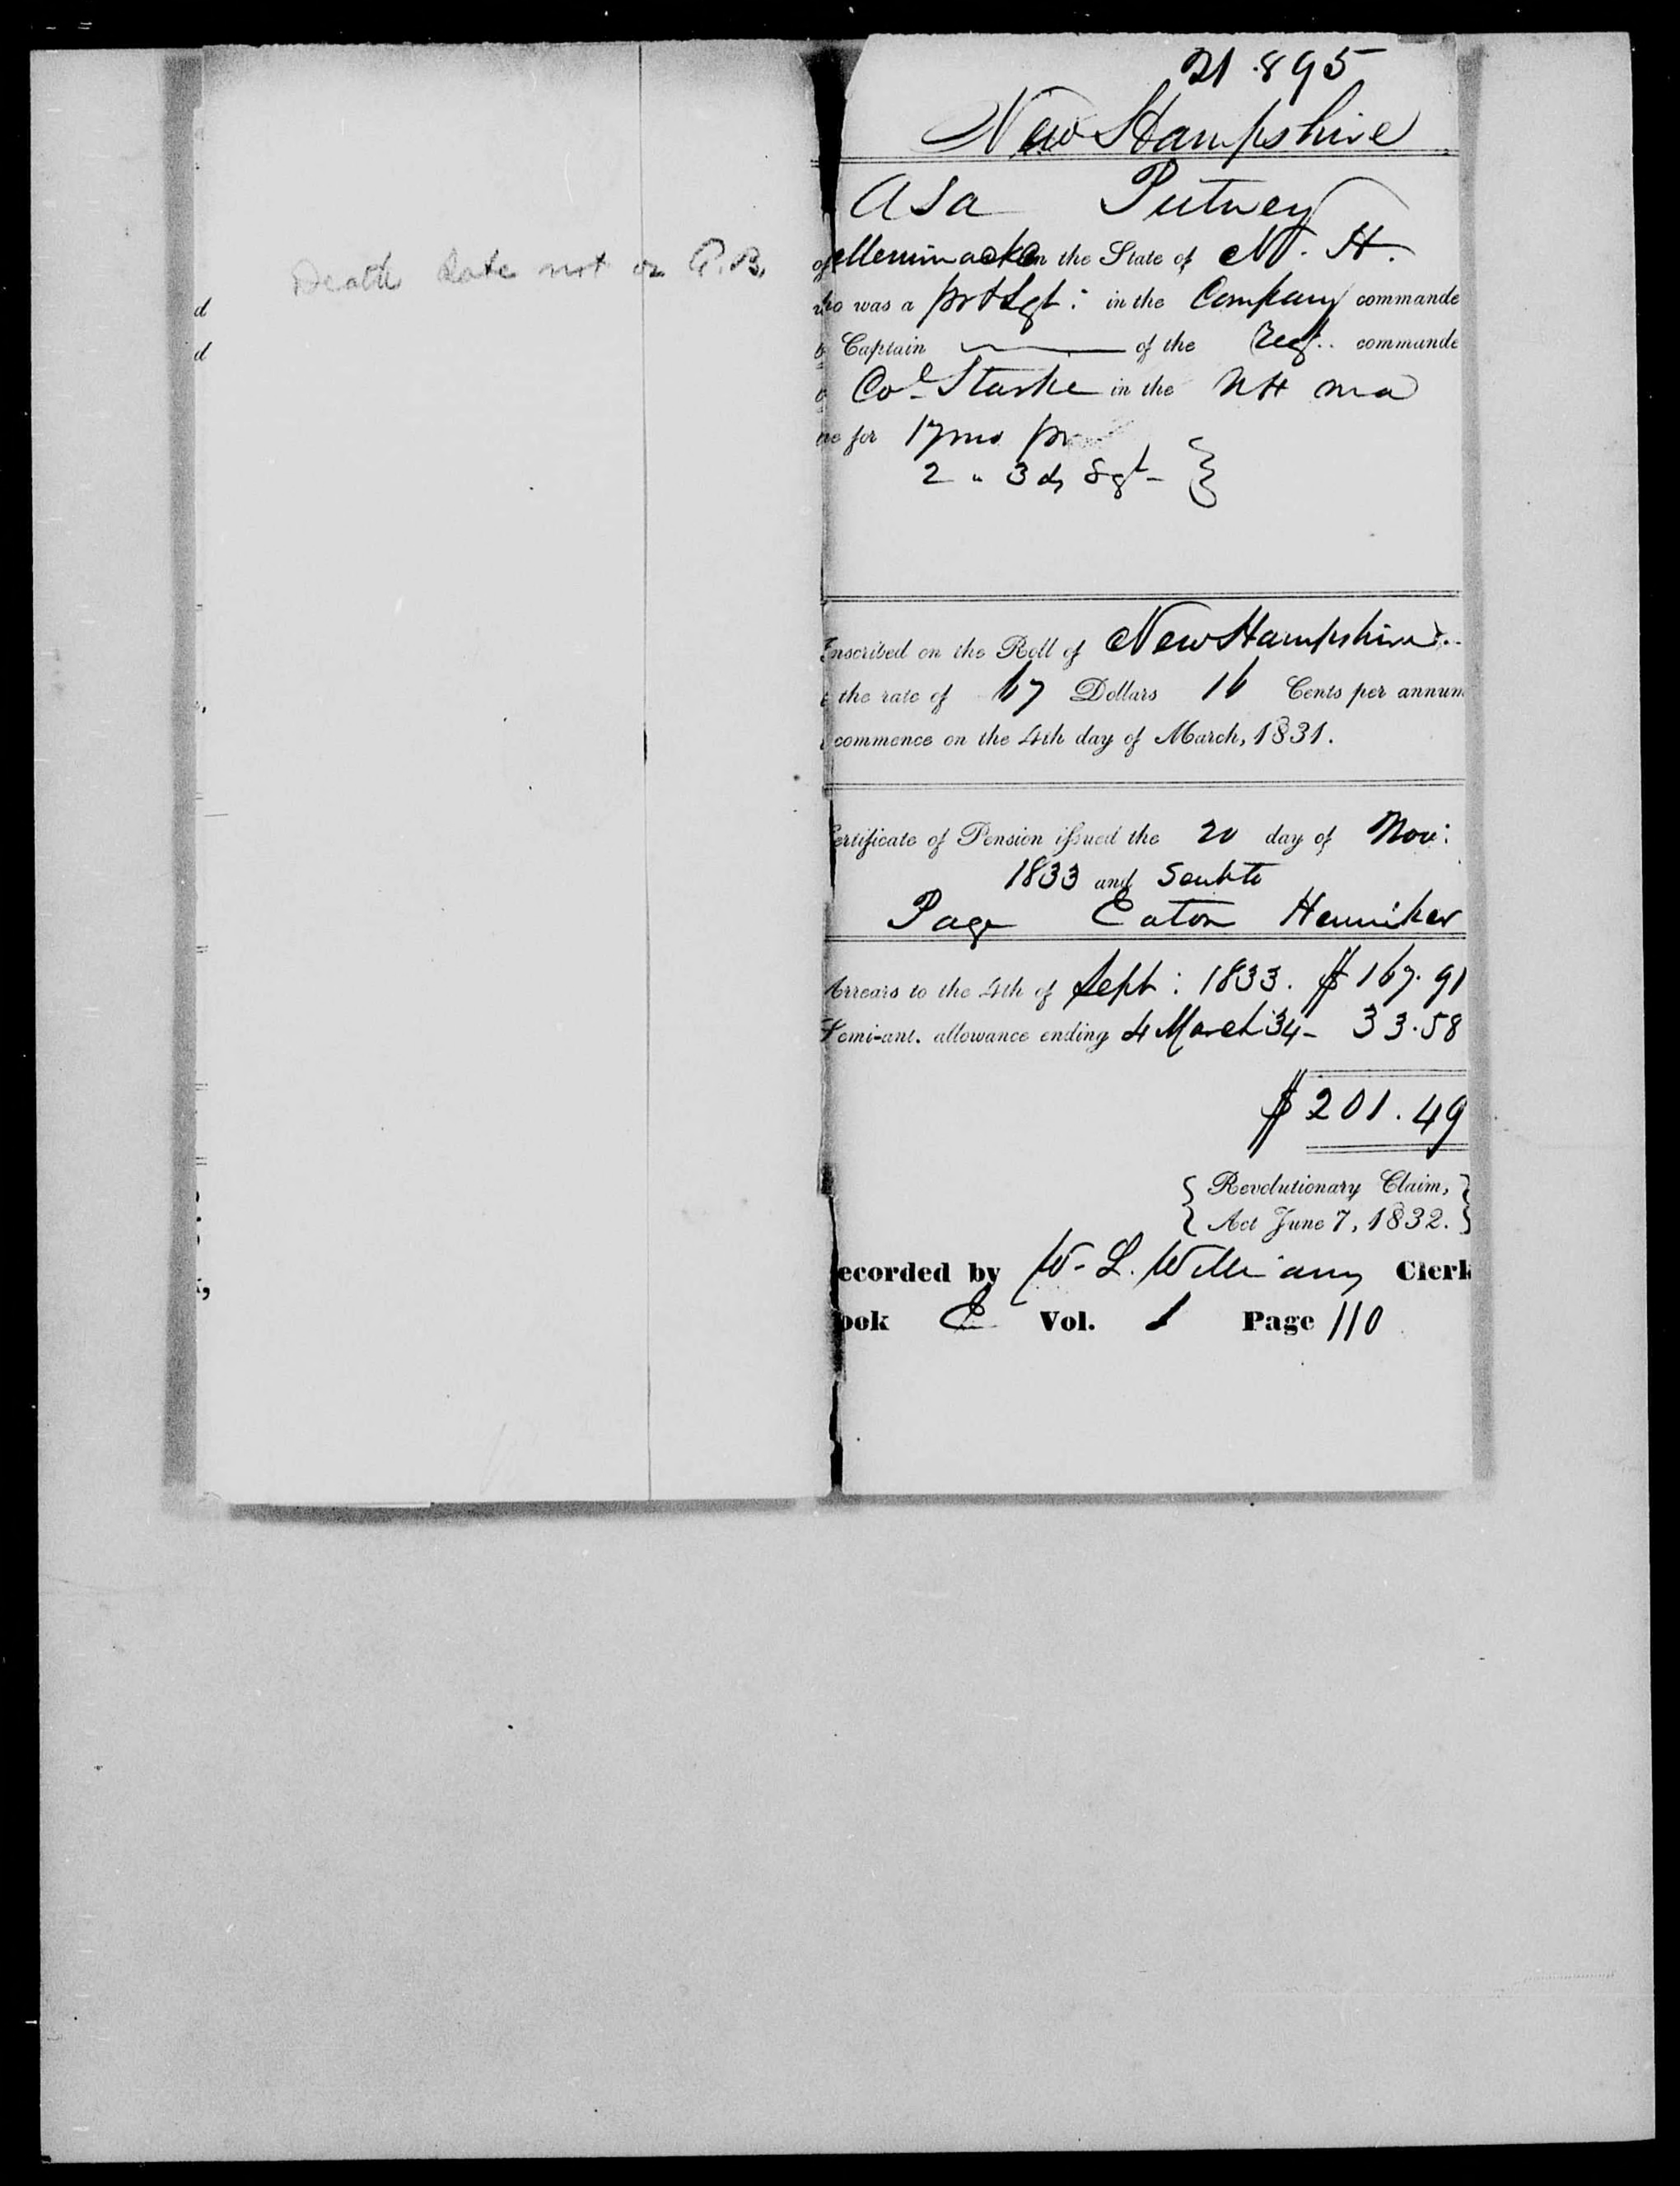[left side of page]

Death date not on file

[right side of page]

21.895
New Hampshire ========================
Asa Putney
of Merrimack Co in the State of N.H.
who was a pr & Sgt. in the Company commanded
by Captain-----------of the regt. commanded
by Col Starke in the NH Ma
line for 17 mo pr
.................2   "  3 dy  Sgt--
==========================
Inscribed on the Roll of New Hampshire
at the rate of 67 Dollars 16 Cents per annum
to commence on the 4th day of March, 1831.
==========================
Certificate of Pension ifsued the 20 day of Nov
1833  and Sent to
Page Eaton  Henniker
==========================
Arrears to the 4th of Sept. 1833............$ 167.91
Semi-anl. allowance ending 4 March 34  33.58
............................................................................======
...........................................................................$ 201.49
............................................................................======
(Revolutionary Claim,  )
(Act  June 7, 1832.       )

Recorded by W.L. Williams  Clerk
Book E   Vol. 1   Page 110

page: 4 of 14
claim: survivor's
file: S. 22943, for Asa Putney, New Hampshire